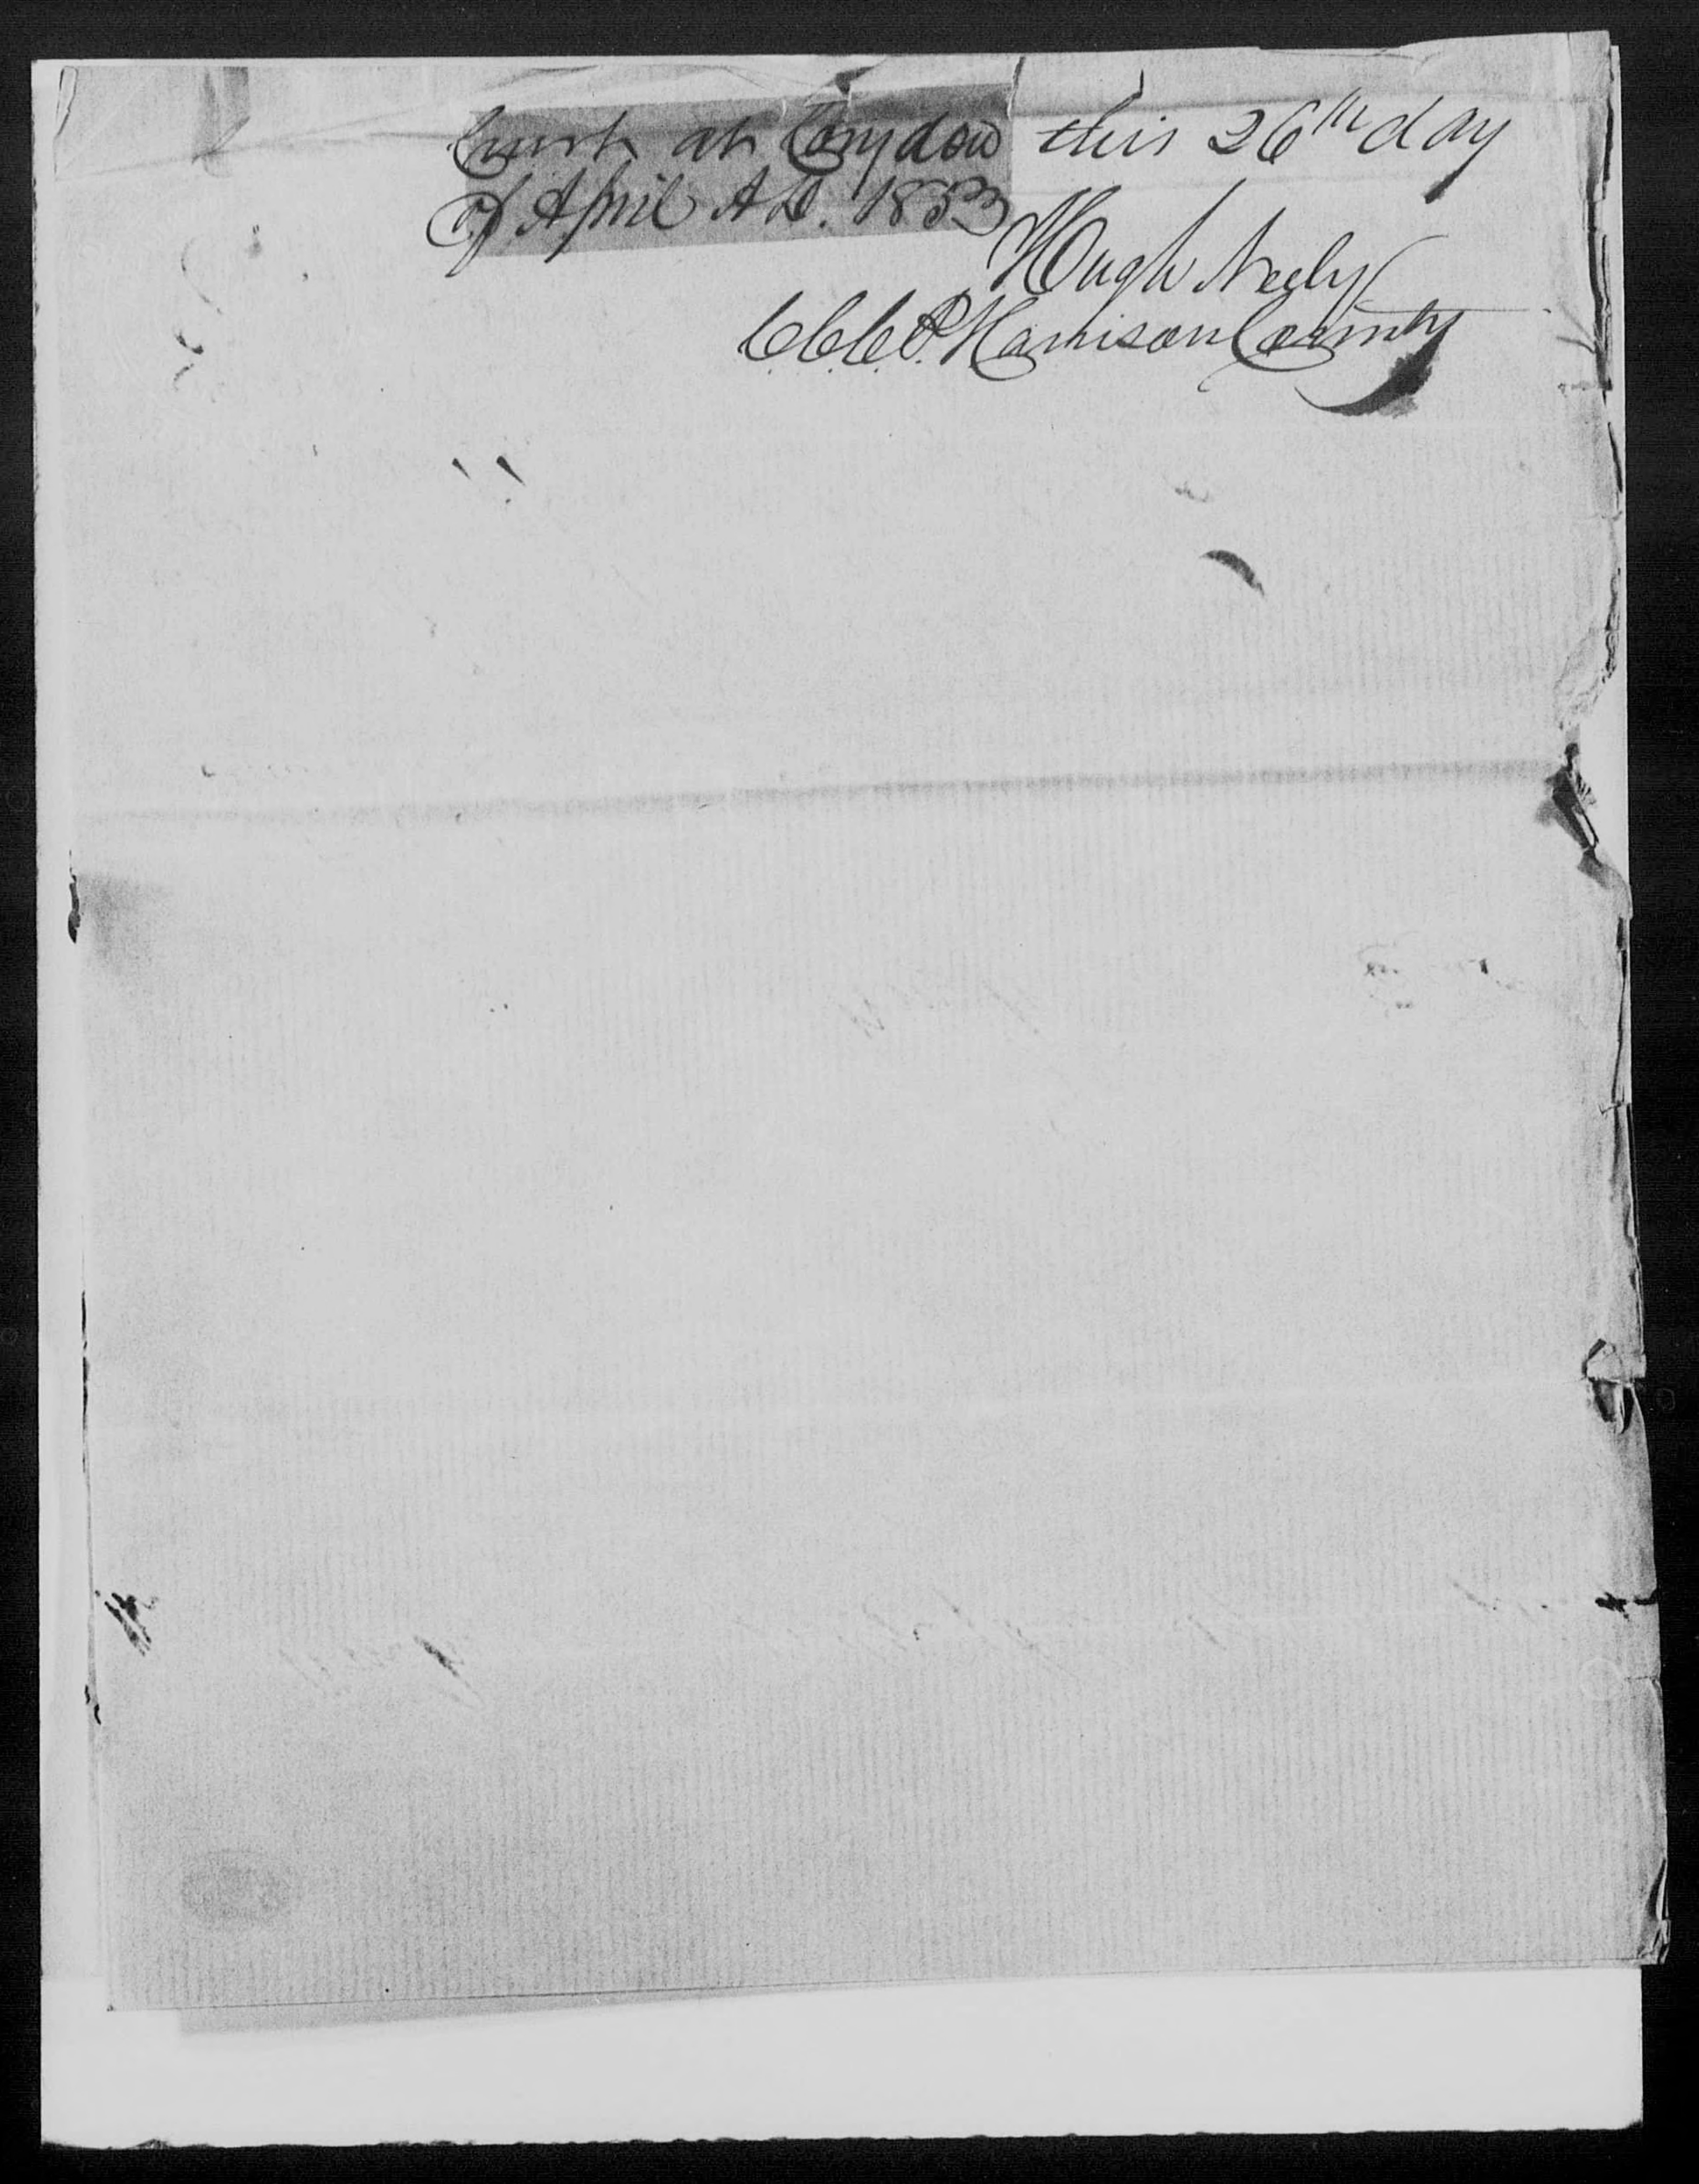Court at Corydon this 26th day of April AD 1853
s/ High Neely CCCP of Harrison County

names: Hugh Neely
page: 24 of 41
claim: rejected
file: R. 1309, James Brown, S.C.